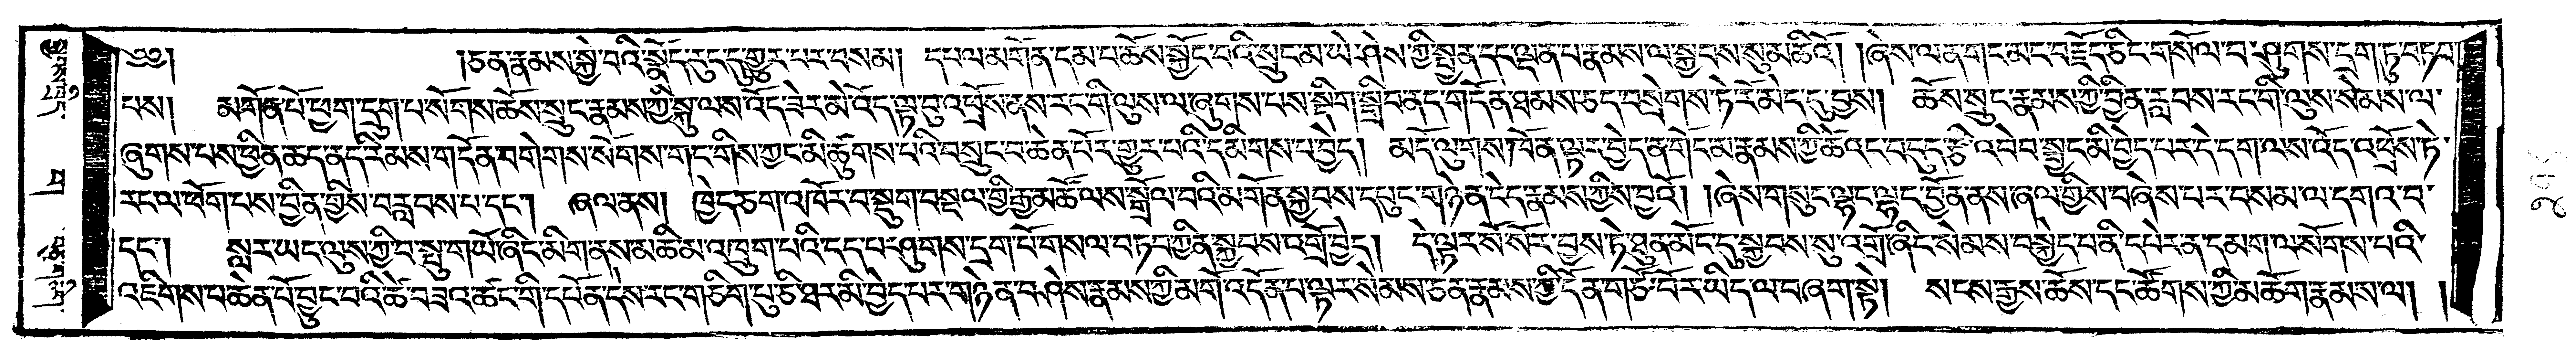༄༅། །ཅན་རྣམས་སྐྱེ་བའི་སྣོད་རུང་དུ་གྱུར་པར་བསམ། དཔལ་མགོན་དམ་པ་ཆོས་སྐྱོང་བའི་སྲུང་མ་ཡེ་ཤེས་ཀྱི་སྤྱན་དང་ལྡན་པ་རྣམས་ལ་སྐྱབས་སུ་མཆིའོ། །ཞེས་ལན་གང་མང་བརྗོད་ཅིང་གསོལ་བ་ཤུགས་དྲག་ཏུ་བཏབ་
པས། མགོན་པོ་ཕྱག་དྲུག་པ་སོགས་ཆོས་སྲུང་རྣམས་ཀྱི་སྐུ་ལས་འོད་ཟེར་མེ་འོད་ལྟ་བུ་འཕྲོས་ནས་རང་གི་ལུས་ལ་ཞུགས་པས་སྡིག་སྒྲིབ་ནང་གི་གདོན་ཐམས་ཅད་བསྲེགས་ཏེ་རོ་མེད་དུ་བྱས། ཆོས་སྲུང་རྣམས་ཀྱི་བྱིན་རླབས་རང་གི་ལུས་སེམས་ལ་
ཞུགས་པས་ཕྱིན་ཆད་ནད་རིམས་གདོན་བགེགས་སོགས་གང་གིས་ཀྱང་མི་ཚུགས་པའི་བསྲུང་བ་ཆེན་པོར་གྱུར་པའི་དམིགས་པ་བྱེད། མདོ་ལུགས་ཁོ་ན་ལྟར་བྱེད་ན་གོང་མ་རྣམས་ཀྱི་ཚེའང་བདུད་རྩི་འབེབ་སྦྱང་མི་བྱེད་པར་དེ་དག་ལས་འོད་འཕྲོས་ཏེ་
རང་ལ་ཕོག་པས་བྱིན་གྱིས་བརླབས་པ་དང་། ཞལ་ནས། ཁྱེད་ཅག་འཁོར་བསྡུག་བསྔལ་གྱི་རྒྱ་མཚོ་ལས་སྒྲོལ་བའི་མགོན་སྐྱབས་དཔུང་གཉེན་ངེད་རྣམས་ཀྱིས་བྱའོ། །ཞེས་གསུང་ལྷང་ལྷང་བྱོན་ནས་ཞལ་གྱིས་བཞེས་པར་བསམ་ལ་དགའ་བ་
དང་། སླར་ཡང་ལུས་ཀྱི་བ་སྤུ་གཡོ་ཞིང་མིག་ནས་མཆི་མ་འཁྲུག་པའི་དད་པ་ཤུགས་དྲག་པོ་གསལ་བཏབ་ཀྱིན་སྐྱབས་འགྲོ་བྱེད། དེ་ལྟར་སོ་སོར་བྱས་ཏེ་ཐུན་མོང་དུ་སྐྱབས་སུ་འགྲོ་ཞིང་སེམས་བསྐྱེད་པ་ནི་དཔེར་ན་དམག་ལ་སོགས་པའི་
འཇིགས་པ་ཆེན་པོ་བྱུང་བའི་ཚེ་བཟའ་ཚང་གི་དཔོན་དེས་རང་གཅིག་པུ་ཅི་ཐར་མི་བྱེད་པར་གཉེན་བཤེས་རྣམས་ཀྱི་མགོ་འདོན་པ་ལྟར་སེམས་ཅན་རྣམས་ཀྱི་དོན་གཙོ་བོར་ཡིད་ལ་བཞག་སྟེ། སངས་རྒྱས་ཆོས་དང་ཚོགས་ཀྱི་མཆོག་རྣམས་ལ། །